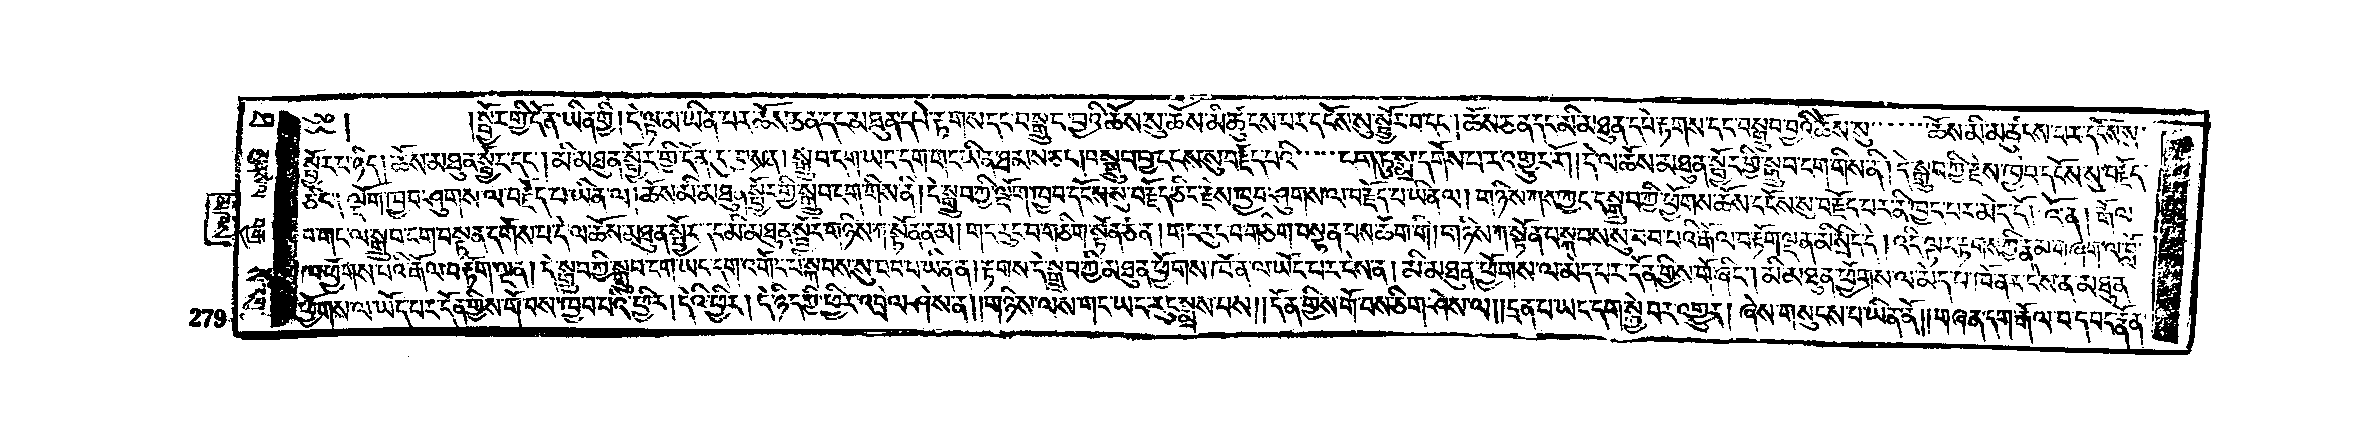༄༅། །སྦྱོར་གྱི་དོན་ཡིན་གྱི། དེ་ལྟ་མ་ཡིན་པར་ཆོས་ཅན་དང་མཐུན་དཔེ་རྟགས་དང་བསྒྲུབ་བྱའི་ཆོས་སུ་ཆོས་མི་ཚུངས་པར་དངོས་སུ་སྦྱོར་བ་དང་། ཆོས་ཅན་དང་མི་མཐུན་དཔེ་རྟགས་དང་བསྒྲུབ་བྱའི་ཆོས་སུ་ཆོས་མི་མཚུངས་པར་དངོས་སུ་
སྦྱོར་བ་ཉིད། ཆོས་མཐུན་སྦྱོར་དང་། མི་མཐུན་སྦྱོར་གྱི་དོན་དུ་བྱས་ན། སྒྲུབ་དག་ཡང་དག་གང་ཡིན་ཐམས་ཅད། བསྒྲུབ་བྱ་དངོས་སུ་བརྗོད་པའི་ངག་ཏུ་སྨྲ་དགོས་པར་འགྱུར་རོ། །དེ་ལ་ཆོས་མཐུན་སྦྱོར་གྱི་སྒྲུབ་དག་གིས་ནི། དེ་སྒྲུབ་ཀྱི་རྗེས་ཁྱབ་དངོས་སུ་བརྗོད་
ཅིང་། ལྡོག་ཁྱབ་ཤུགས་ལ་བརྗོད་པ་ཡིན་ལ། ཆོས་མི་མཐུན་སྦྱོར་གྱི་སྒྲུབ་དག་གིས་ནི། དེ་སྒྲུབ་ཀྱི་ལྡོག་ཁྱབ་དངོས་སུ་བརྗོད་ཅིང་རྗེས་ཁྱབ་ཤུགས་ལ་བརྗོད་པ་ཡིན་ལ། གཉིས་ཀས་ཀྱང་དེ་སྒྲུབ་ཀྱི་ཕྱོགས་ཆོས་དངོས་སུ་བརྗོད་པར་ནི་ཁྱད་པར་མེད་དོ། འོ་ན། རྒོལ་
བ་གང་ལ་སྒྲུབ་དག་བསྟན་དགོས་པ་དེ་ལ་ཆོས་མཐུན་སྦྱོར་དང་མི་མཐུན་སྦྱོར་གཉིས་ཀ་སྟོན་ནམ། གང་རུང་བ་གཅིག་སྟོན་ཅེ་ན། གང་རུང་བ་གཅིག་བསྟན་པས་ཆོག་གི། གཉིས་ཀ་སྟོན་པ་སྐབས་སུ་བབ་པའི་རྒོལ་བ་རྟོག་ལྡན་མི་སྲིད་དེ། འདི་ལྟར་རྟགས་ཀྱི་རྣམ་གཞག་ལ་བློ་
ཁ་ཕྱོགས་པའི་རྒོལ་བ་རྟོག་ལྡན། དེ་སྒྲུབ་ཀྱི་སྒྲུབ་དག་ཡང་དག་འགོད་པ་སྐབས་སུ་བབ་པ་ཡིན་ན། རྟགས་དེ་སྒྲུབ་ཀྱི་མཐུན་ཕྱོགས་ཁོ་ན་ལ་ཡོད་པར་ངེས་ན། མི་མཐུན་ཕྱོགས་ལ་མེད་པར་དོན་གྱིས་གོ་ཞིང་། མི་མཐུན་ཕྱོགས་ལ་མེད་པ་ཁོ་ནར་ངེས་ན་མཐུན་
ཕྱོགས་ལ་ཡོད་པར་དོན་གྱིས་གོ་བས་ཁྱབ་པའི་ཕྱིར། དེའི་ཕྱིར། དེ་ཉིད་ཀྱི་ཕྱིར་འབྲེལ་ཤེས་ན། །གཉིས་ལས་གང་ཡང་རུང་སྨྲས་པས། །དོན་གྱིས་གོ་བས་ཅིག་ཤོས་ལ། །དྲན་པ་ཡང་དག་སྐྱེ་བར་འགྱུར། ཞེས་གསུངས་པ་ཡིན་ནོ། །གཞན་དག་རྒོལ་བ་དབང་རྣོན་